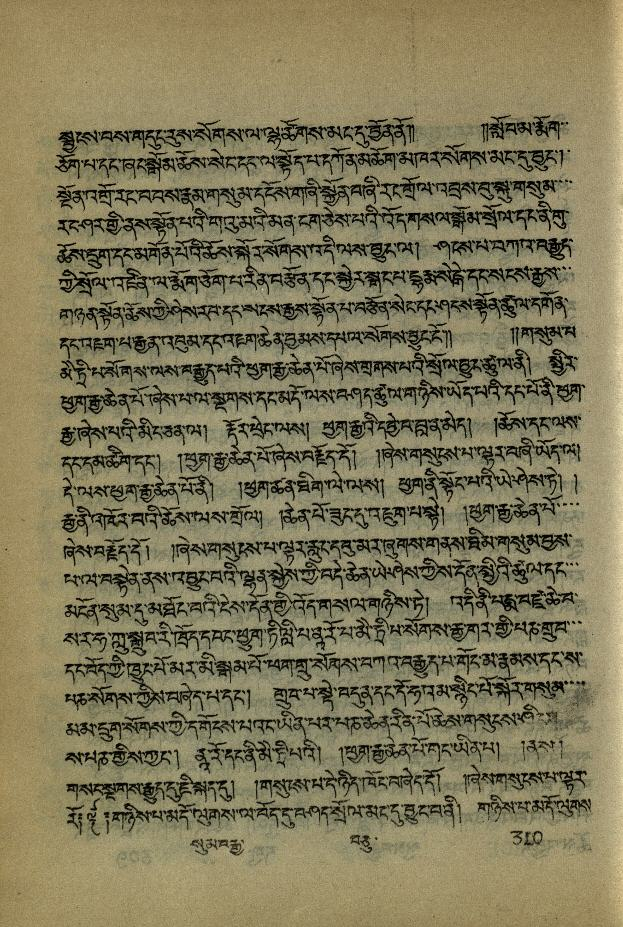སྦྱངས་བས་གདུང་རུས་སོགས་ལ་ལྷ་ཚོགས་མང་དུ་བྱོན་ནོ།། །།སློབ་མ་རྨོག་
ཅོག་པ་དང་ཞང་སྒོམ་ཆོས་སེང་དང་ལ་སྟོད་པ་དཀོན་མཆོག་མཁར་སོགས་མང་དུ་བྱུང་།
སྔོན་འགྲོ་རང་བབས་རྣམ་གསུམ་དངོས་གཞི་སྐྱོན་བཞི་རང་གྲོལ་འབྲས་བུ་སྐུ་གསུམ་
རང་ཤར་གྱི་ནས་སྟོན་པའི་གའུ་མའི་མན་ངག་ཅེས་པའི་འོད་གསལ་སྒོམ་སྲོལ་དང་ནི་གུ་
ཆོས་དྲུག་དང་མགོན་པོའི་ཆོས་སྐོར་སོགས་འདི་ལས་བྱུང་ལ། ཤངས་པ་བཀའ་བརྒྱུད་
ཀྱི་སྲོལ་འཛིན་ལ་རྨོག་ཅོག་པ་རིན་བརྩོན་དང་སྐྱེར་སྒང་པ་དྷརྨ་སེངྒེ་དང་སངས་རྒྱས་
གཉན་སྟོན་ཆོས་ཀྱི་ཤེས་རབ་དང་སངས་རྒྱས་སྟོན་པ་བརྩོན་སེང་དང་ཤངས་སྟོན་ཚུལ་དགོན་
དང་འཇག་པ་རྒྱན་འབུམ་དང་འཇག་ཆེན་བྱམས་དཔལ་སོགས་བྱུང་ངོ།། །།གསུམ་པ་
མཻ་ཏྲི་པ་སོགས་ལས་བརྒྱུད་པའི་ཕྱག་རྒྱ་ཆེན་པོ་ཞེས་གྲགས་པའི་སྲོལ་བྱུང་ཚུལ་ནི། སྦྱིར་
ཕྱག་རྒྱ་ཆེན་པོ་ཞེས་པ་ལ་སྔགས་དང་མདོ་ལས་བཤད་ཚུལ་གཉིས་ཡོད་པའི་དང་པོ་ནི་ཕྱག་
རྒྱ་ཞེས་པའི་མིང་ཅན་ལ། རྡོར་ཕྲེང་ལས། ཕྱག་རྒྱའི་དབྱེ་བ་བླ་ན་མེད། །ཆོས་དང་ལས་
དང་དམ་ཚིག་དང་། །ཕྱག་རྒྱ་ཆེན་པོ་ཞེས་བརྗོད་དོ། །ཞེས་གསུངས་པ་ལྟར་བཞི་ཡོད་ལ།
དེ་ལས་ཕྱག་རྒྱ་ཆེན་པོ་ནི། །ཕྱག་ཚན་ཐིག་ལེ་ལས། ཕྱག་ནི་སྟོང་པའི་ཡེ་ཤེས་ཏེ། །
རྒྱ་ནི་འཁོར་བའི་ཆོས་ལས་གྲོལ། །ཆེན་པོ་ཟུང་དུ་འཇུག་པ་སྟེ། །ཕྱག་རྒྱ་ཆེན་པོ་
ཞེས་བརྗོད་དོ། །ཞེས་གསུངས་པ་ལྟར་རླུང་དབུ་མར་ཞུགས་གནས་ཐིམ་གསུམ་བྱས་
པ་ལ་བསྟེན་ནས་འབྱུང་བའི་ལྷན་སྐྱེས་ཀྱི་བདེ་ཆེན་ཡེ་ཤེས་ཀྱིས་དོན་སྤྱིའི་ཚུལ་དང་
མངོན་སུམ་དུ་མཐོང་བའི་ངེས་དོན་གྱི་འོད་གསལ་གཉིས་ཏེ། འདི་ནི་པདམ་བཛྲ་ཆེ་བ་
ས་ར་ཧ་ཀླུ་སྒྲུབ་རི་ཁྲོད་དབང་ཕྱུག་ཏིལླི་པ་ནཱ་རོ་པ་མཻ་ཏྲི་པ་སོགས་རྒྱ་གར་གྱི་པཎ་གྲུབ་
དང་བོད་ཀྱི་ཁྱུང་པོ་མར་མི་སྒམ་པོ་ཕག་གྲུ་སོགས་བཀའ་བརྒྱུད་པ་གོང་མ་རྣམས་དང་ས་
པཎ་སོགས་ཀྱིས་བཞེད་པ་དང་། གྲུབ་པ་སྡེ་བདུན་དང་དོ་ཧའམ་སྙིང་པོ་སྐོར་གསུམ་
མམ་དྲུག་སོགས་ཀྱི་དགོངས་པའང་ཡིན་པར་པཎ་ཆེན་རིན་པོ་ཆེས་གསུངས་ཤིང་།
ས་པཎ་གྱིས་ཀྱང་། ནཱ་རོ་དང་ནི་མཻ་ཏྲི་པའི། །ཕྱག་རྒྱ་ཆེན་པོ་གང་ཡིན་པ། །ནས།
གསང་སྔགས་རྒྱུད་དུ་ཇི་སྐད་དུ། །གསུངས་པ་དེ་ཉིད་ཁོང་བཞེད་དོ། །ཞེས་གསུངས་པ་ལྟར་
རོ༑ ༈ ༑གཉིས་པ་མདོ་ལུགས་ལ་བོད་དུ་བཤད་སྲོལ་མང་དུ་བྱུང་བ་ནི། གཉིས་པ་མདོ་ལུགས་